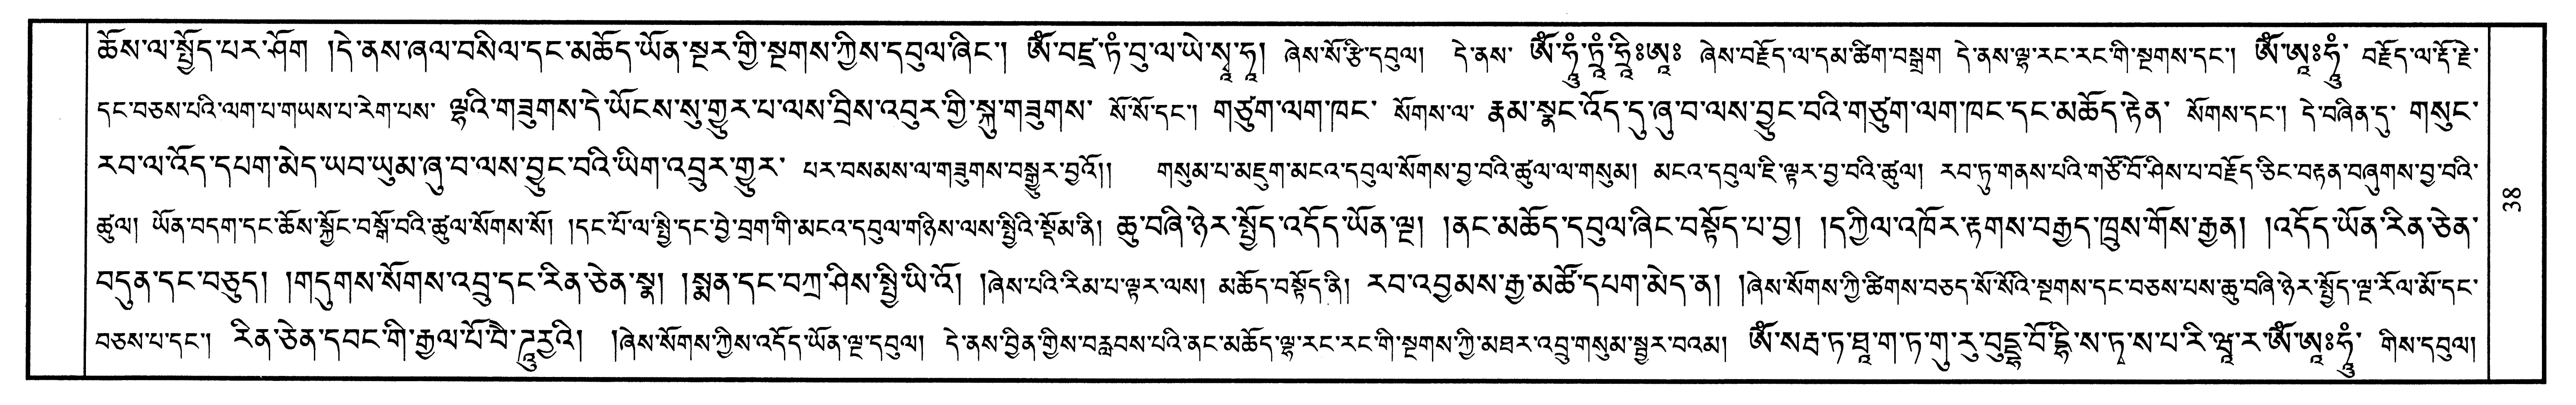ཆོས་ལ་སྤྱོད་པར་ཤོག །དེ་ནས་ཞལ་བསིལ་དང་མཆོད་ཡོན་སྔར་གྱི་སྔགས་ཀྱིས་དབུལ་ཞིང་། ཨོཾ་བཛྲ་ཏཾ་བུ་ལ་ཡེ་སྭཱ་ཧཱ། ཞེས་སོ་རྩི་དབུལ། དེ་ནས་ཨོཾ་ཧཱུཾ་ཏྲཱཾ་ཧྲཱིཿ ཨཱཿ ཞེས་བརྗོད་ལ་དམ་ཚིག་བསྒྲག་དེ་ནས་ལྷ་རང་རང་གི་སྔགས་དང་། ཨོཾ་ཨཱཿ ཧཱུཾ་བརྗོད་ལ་རྡོ་རྗེ་
དང་བཅས་པའི་ལག་པ་གཡས་པ་རེག་པས་ལྷའི་གཟུགས་དེ་ཡོངས་སུ་གྱུར་པ་ལས་བྲིས་འབུར་གྱི་སྐུ་གཟུགས་སོ་སོ་དང་། གཙུག་ལག་ཁང་སོགས་ལ་རྣམ་སྣང་འོད་དུ་ཞུ་བ་ལས་བྱུང་བའི་གཙུག་ལག་ཁང་དང་མཆོད་རྟེན་སོགས་དང་། དེ་བཞིན་དུ་གསུང་
རབ་ལ་འོད་དཔག་མེད་ཡབ་ཡུམ་ཞུ་བ་ལས་བྱུང་བའི་ཡིག་འབྲུར་གྱུར་པར་བསམས་ལ་གཟུགས་བསྒྱུར་བྱའོ།། གསུམ་པ་མཇུག་མངའ་དབུལ་སོགས་བྱ་བའི་ཚུལ་ལ་གསུམ། མངའ་དབུལ་ཇི་ལྟར་བྱ་བའི་ཚུལ། རབ་ཏུ་གནས་པའི་གཙོ་བོ་ཤིས་པ་བརྗོད་ཅིང་བརྟན་བཞུགས་བྱ་བའི་
ཚུལ། ཡོན་བདག་དང་ཆོས་སྐྱོང་བསྒོ་བའི་ཚུལ་སོགས་སོ། །དང་པོ་ལ་སྤྱི་དང་བྱེ་བྲག་གི་མངའ་དབུལ་གཉིས་ལས་སྤྱིའི་སྡོམ་ནི། ཆུ་བཞི་ཉེར་སྤྱོད་འདོད་ཡོན་ལྔ། །ནང་མཆོད་དབུལ་ཞིང་བསྟོད་པ་བྱ། །དཀྱིལ་འཁོར་རྟགས་བརྒྱད་ཁྲུས་གོས་རྒྱན། །འདོད་ཡོན་རིན་ཅེན་
བདུན་དང་བཅུད། །གདུགས་སོགས་འབྲུ་དང་རིན་ཅེན་སྣ། །སྨན་དང་བཀྲ་ཤིས་སྤྱི་ཡི་འོ། །ཞེས་པའི་རིམ་པ་ལྟར་ལས། མཆོད་བསྟོད་ནི། རབ་འབྱམས་རྒྱ་མཚོ་དཔག་མེད་ན། །ཞེས་སོགས་ཀྱི་ཚིགས་བཅད་སོ་སོའི་སྔགས་དང་བཅས་པས་ཆུ་བཞི་ཉེར་སྤྱོད་ལྔ་རོལ་མོ་དང་
བཅས་པ་དང་། རིན་ཅེན་དབང་གི་རྒྱལ་པོ་བཻ་ཌཱུརྱའི། །ཞེས་སོགས་ཀྱིས་འདོད་ཡོན་ལྔ་དབུལ། དེ་ནས་བྱིན་གྱིས་བརླབས་པའི་ནང་མཆོད་ལྷ་རང་རང་གི་སྔགས་ཀྱི་མཐར་འབྲུ་གསུམ་སྦྱར་བའམ། ཨོཾ་སརྦ་ཏ་ཐཱ་ག་ཏ་གུ་རུ་བུདྡྷ་བོ་དྷི་ས་ཏྭ་ས་པ་རི་ཝཱ་ར་ཨོཾ་ཨཱཿ ཧཱུཾ་གིས་དབུལ།